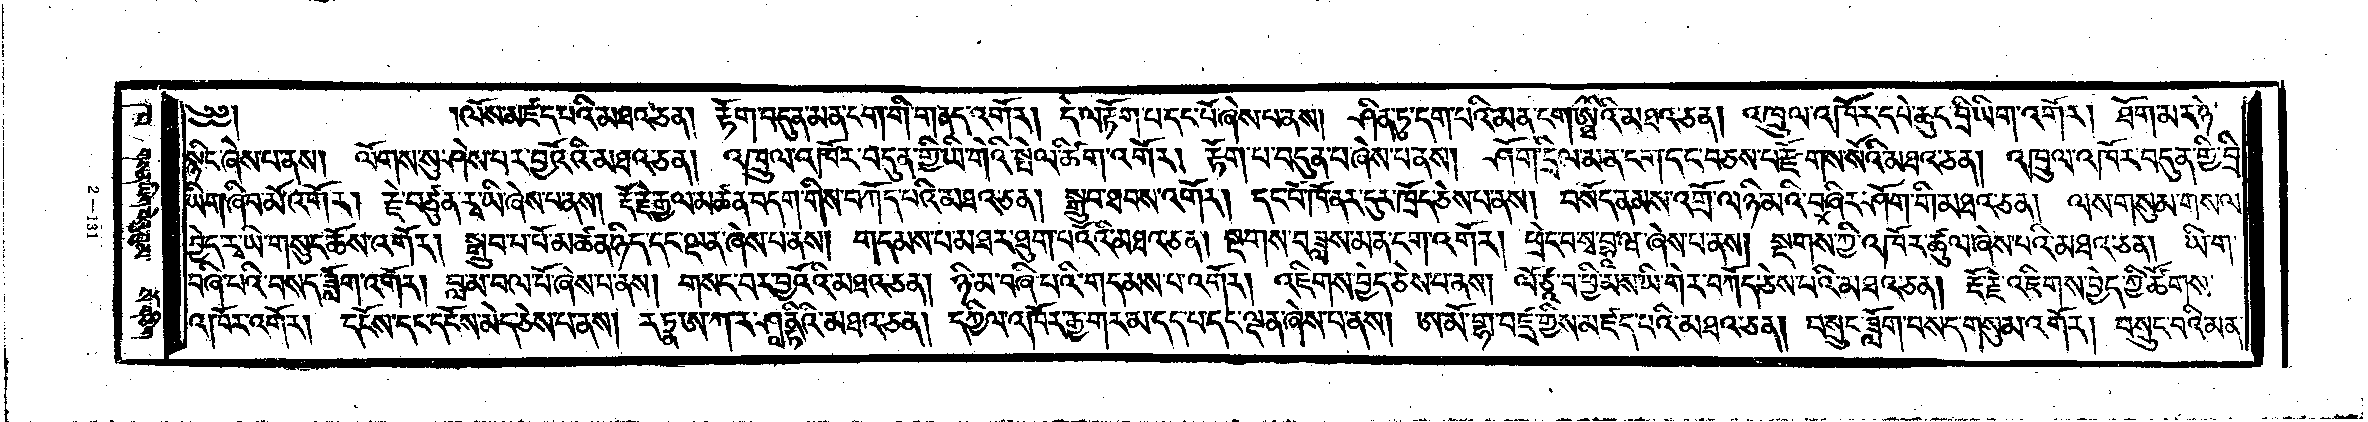༄༅། །ལོས་མཛད་པའི་མཐའ་ཅན། རྟོག་བདུན་མན་ངག་གི་གནད་འགོར། དེ་ལ་རྟོག་པ་དང་པོ་ཞེས་པ་ནས། ཤིན་ཏུ་དག་པའི་མན་ངག་ཨིཐིའི་མཐའ་ཅན། འཁྲུལ་འཁོར་དཔེ་ཆུང་བྲི་ཡིག་འགོར། ཐོག་མར་ཉེ་
སྙིང་ཞེས་པ་ནས། ལོགས་སུ་ཤེས་པར་བྱའོའི་མཐའ་ཅན། འཁྲུལ་འཁོར་བདུན་གྱི་ཡི་གེའི་སྤེལ་ཚིག་འགོར། རྟོག་པ་བདུན་པ་ཞེས་པ་ནས། ཤོག་དྲིལ་མན་ངག་དང་བཅས་པ་རྫོགས་སོའི་མཐའ་ཅན། འཁྲུལ་འཁོར་བདུན་གྱི་བྲི་
ཡིག་ཞིབ་མོ་འགོར། རྗེ་བཙུན་རྭ་ཡི་ཞེས་པ་ནས། རྡོ་རྗེ་རྒྱལ་མཚན་བདག་གིས་བཀོད་པའི་མཐའ་ཅན། སྒྲུབ་ཐབས་འགོར། དང་པོ་ཁོ་ནར་དུར་ཁྲོད་ཅེས་པ་ནས། བསོད་ནམས་འགྲོ་ལ་ཉི་མའི་བཞིར་ཤོག་གི་མཐའ་ཅན། ལས་གསུམ་གསལ་
བྱེད་རྭ་ཡི་གསུང་ཆོས་འགོར། སྒྲུབ་པ་པོ་མཚན་ཉིད་དང་ལྡན་ཞེས་པ་ནས། གདམས་པ་མཐར་ཐུག་པའོའི་མཐའ་ཅན། སྔགས་བཟླས་མན་ངག་འགོར། ཕྲེང་བ་སྭ་བྷཱ་ཝ་ཞེས་པ་ནས། སྔགས་ཀྱི་འཁོར་ཚུལ་ཞེས་པའི་མཐའ་ཅན། ཡིག་
བཞི་པའི་བསད་ཟློག་འགོར། བླ་མ་བལ་པོ་ཞེས་པ་ནས། གསང་བར་བྱའོའི་མཐའ་ཅན། ཉི་མ་བཞི་པའི་གདམས་པ་འགོར། འཇིགས་བྱེད་ཅེས་པ་ནས། ལོ་ཙཱ་བ་ཕྱི་མས་ཡི་གེར་བཀོད་ཅེས་པའི་མཐའ་ཅན། རྡོ་རྗེ་འཇིགས་བྱེད་ཀྱི་ཚོགས་
འཁོར་འགོར། དངོས་དང་དངོས་མེད་ཅེས་པ་ནས། རཏྣ་ཨ་ཀ་ར་ཤཱནྟིའི་མཐའ་ཅན། དཀྱིལ་འཁོར་རྒྱ་གར་མ་དད་པ་དང་ལྡན་ཞེས་པ་ནས། ཨ་མོ་གྷ་བཛྲ་གྱིས་མཛད་པའི་མཐའ་ཅན། བསྲུང་ཟློག་བསད་གསུམ་འགོར། བསྲུང་བའི་མན་